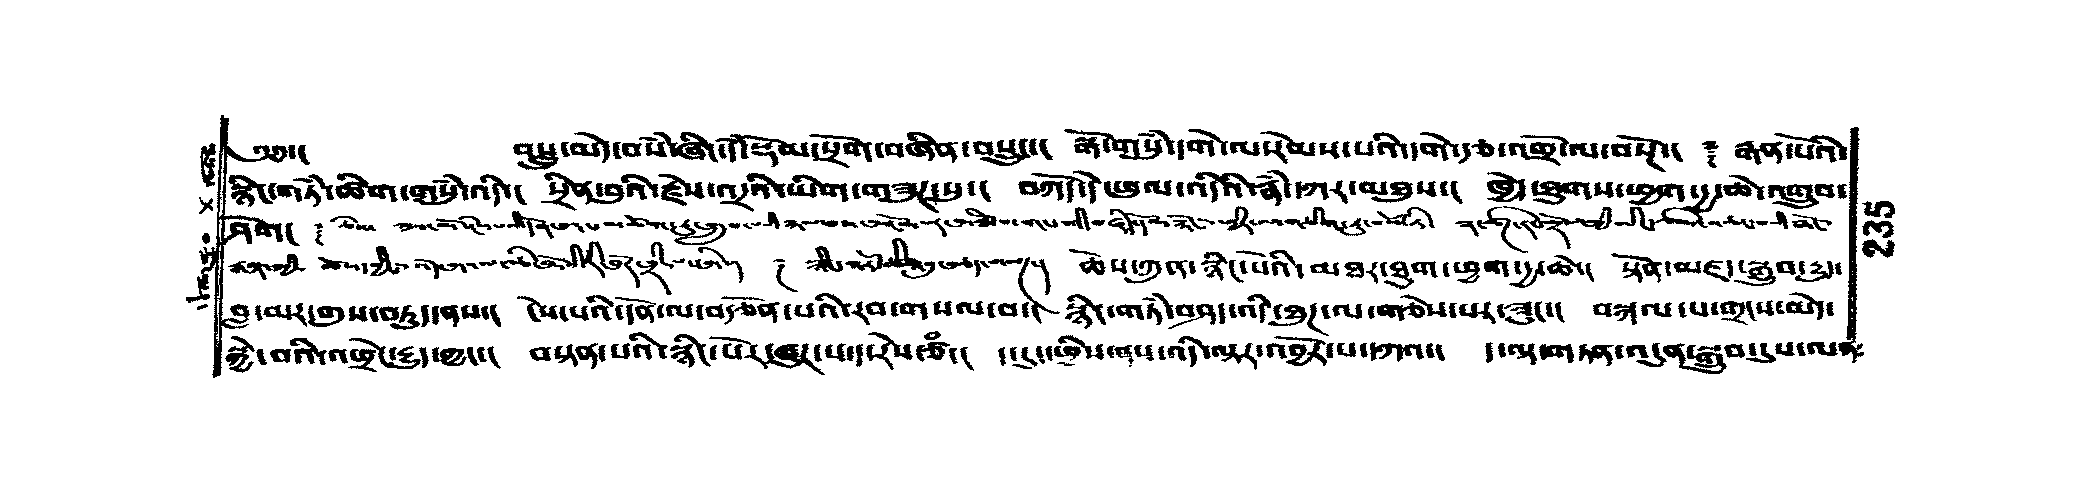བསླུ་མེད་བསམ་ཞིང་དམ་སྡོམ་སྲོག་བཞིན་བསྲུང་། །སྒོ་གསུམ་དགེ་ལ་རེམས་པའི་དགེ་རྩ་འགྲོ་ལ་བསྔོ། ༈ རྒན་པོའི་
སྙིང་གཏམ་ཚིག་གསུམ་འདི། །སྲིན་བུའི་རྗེས་འདྲའི་ཡིག་གཟུགས་སུ། །བཀོད་དོ་ཕུལ་འདིའི་རྣམ་ཀར་མཐུས། །ཁྱེད་ཐུགས་ཕྱག་རྒྱ་ཆེ་འགྲུབ་
ཤོག ཅེས་ཟབ་མོ་ངེས་པའི་དོན་བཟང་མཆོག་ཏུ་གྲུབ་པའི་སྐལ་བཟང་མངོན་པར་མཐོ་བ་གང་གི་བཞེད་དོན་སྐོངས་ཕྱིར་ལ་གཅིག་ཏུ་པ་བསམ། སྣ་ཚོགས་རང་གྲོལ་ཀྱི་མིང་ཙམ་འཆང་བའི་རྨོངས་
རྒན་གྱིས་ཆོས་དབྱིངས་འོད་གསལ་རྩེ་པོའི་རི་བོར་བྲིས་པ་དགེའོ།།༈ སྙིང་གཏམ་ཚིགས་སུ་བཅད་པ་ལགས། ཆོས་ཀུན་སྙིང་པོའི་མཐར་ཐུག་ཕྱག་རྒྱ་ཆེ། །སྟོན་མཛད་སྒྲུབ་རྒྱུད་
བླ་མར་གུས་བཏུད་ནས། །ངེས་པའི་དོན་ལ་བརྩོན་པའི་རབ་གསལ་བ། སྙིང་གཏམ་བཤད་འདི་ཐུགས་ལ་གཅེས་པར་ཟུང། །བསྐལ་པ་གྲངས་མེད་
སྐྱེ་བའི་འཕེང་རྒྱུད་ཀྱང་། །བསྟན་པའི་སྙིང་པོར་ཞུགས་པ་ད་རེས་ཙམ། །ད་དུང་ཕྱིས་ནས་འདི་ལྟར་འབྱོར་བ་དཀའ། །ད་ལྟ་གཏན་འདུན་སྒྲུབ་དུས་ལན་